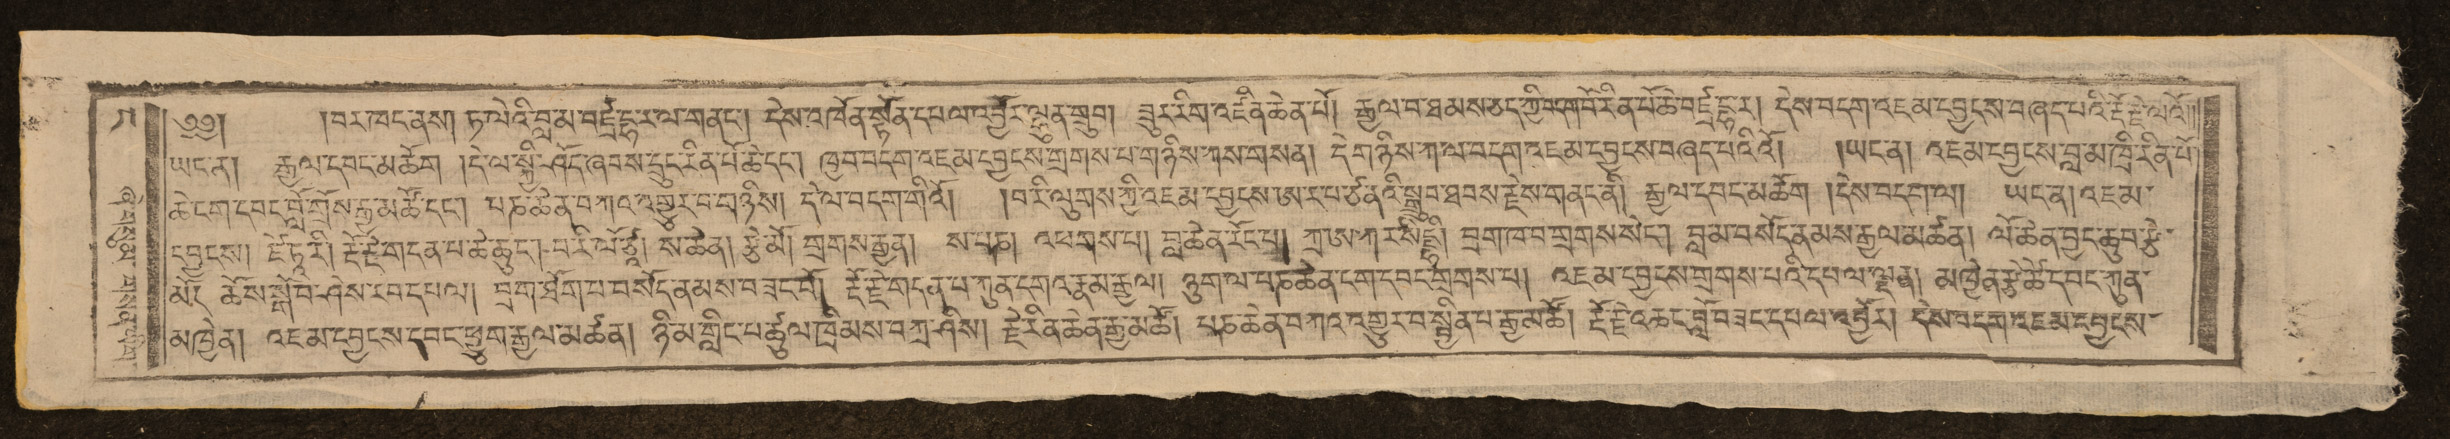༄༅། །བར་ཁང་ནས། ཏ་ལེའི་བླ་མ་བྫྲ་དྷ་ར་ལ་གནང་། དེས་འཁོན་སྟོན་དཔལ་འབྱོར་ལྷུན་གྲུབ། ཟུར་རིག་འཛིན་ཆེན་པོ། རྒྱལ་བ་ཐམས་ཅད་ཀྱི་བདག་བོ་རིན་པོ་ཆེ་བྫྲ་དྷ་ར། དེས་བདག་འཇམ་དབྱངས་བཞད་པའི་རྡོ་རྗེ་ལའོ།།
ཡང་ན། རྒྱལ་དབང་མཆོག །དེ་ལ་སྐྱི་ཤོད་ཞབས་དྲུང་རིན་པོ་ཆེ་དང་། ཁྱབ་བདག་འཇམ་དབྱངས་གྲགས་པ་གཉིས་ཀས་གསན། དེ་གཉིས་ཀ་ལ་བདག་འཇམ་དབྱངས་བཞད་པའི་འོ། །ཡང་ན། འཇམ་དབྱངས་བླ་མ་ཁྲི་རིན་པོ་
ཆེ་ངག་དབང་བློ་གྲོས་རྒྱ་མཚོ་དང་། པཎ་ཆེན་བཀའ་འགྱུར་བ་གཉིས། དེ་ལ་བདག་གིའོ། །བ་རི་ལུགས་ཀྱི་འཇམ་དབྱངས་ཨ་ར་པ་ཙ་ནའི་སྒྲུབ་ཐབས་རྗེས་གནང་ནི། རྒྱལ་དབང་མཆོག །དེས་བདག་ལ། ཡང་ན། འཇམ་
དབྱངས། ཛེ་ཏཱ་རི། རྡོ་རྗེ་གདན་པ་ཆེ་ཆུང་། བ་རི་ལོ་ཙཱ། ས་ཆེན། རྩེ་མོ། གྲགས་རྒྱན། ས་པཎ། འཕགས་པ། བླ་ཆེན་རོང་པ། ཀྲ་ཨ་ཀ་ར་སིདྡྷི། བྲག་ཁ་བ་གྲགས་སེང་། བླ་མ་བསོད་ནམས་རྒྱལ་མཚན། ལོ་ཆེན་བྱང་ཆུབ་རྩེ་
མོ༑ ཆོས་སྒོ་བ་ཤེས་རབ་དཔལ། བྲག་ཐོག་པ་བསོད་ནམས་བཟང་པོ། རྡོ་རྗེ་གདན་པ་ཀུན་དགའ་རྣམ་རྒྱལ། ཉུག་ལ་པཎ་ཆེན་ངག་དབང་གྲགས་པ། འཇམ་དབྱངས་གྲགས་པའི་དཔལ་ལྡན། མཁྱེན་རྩེ་ཚེ་དབང་ཀུན་
མཁྱེན། འཇམ་དབྱངས་དབང་ཕྱུག་རྒྱལ་མཚན། ཉི་མ་གླིང་པ་ཚུལ་ཁྲིམས་བཀྲ་ཤིས། རྗེ་རིན་ཆེན་རྒྱ་མཚོ། པཎ་ཆེན་བཀའ་འགྱུར་བ་སྦྱིན་པ་རྒྱ་མཚོ། རྡོ་རྗེ་འཆང་བློ་བཟང་དཔལ་འབྱོར། དེས་བདག་འཇམ་དབྱངས་